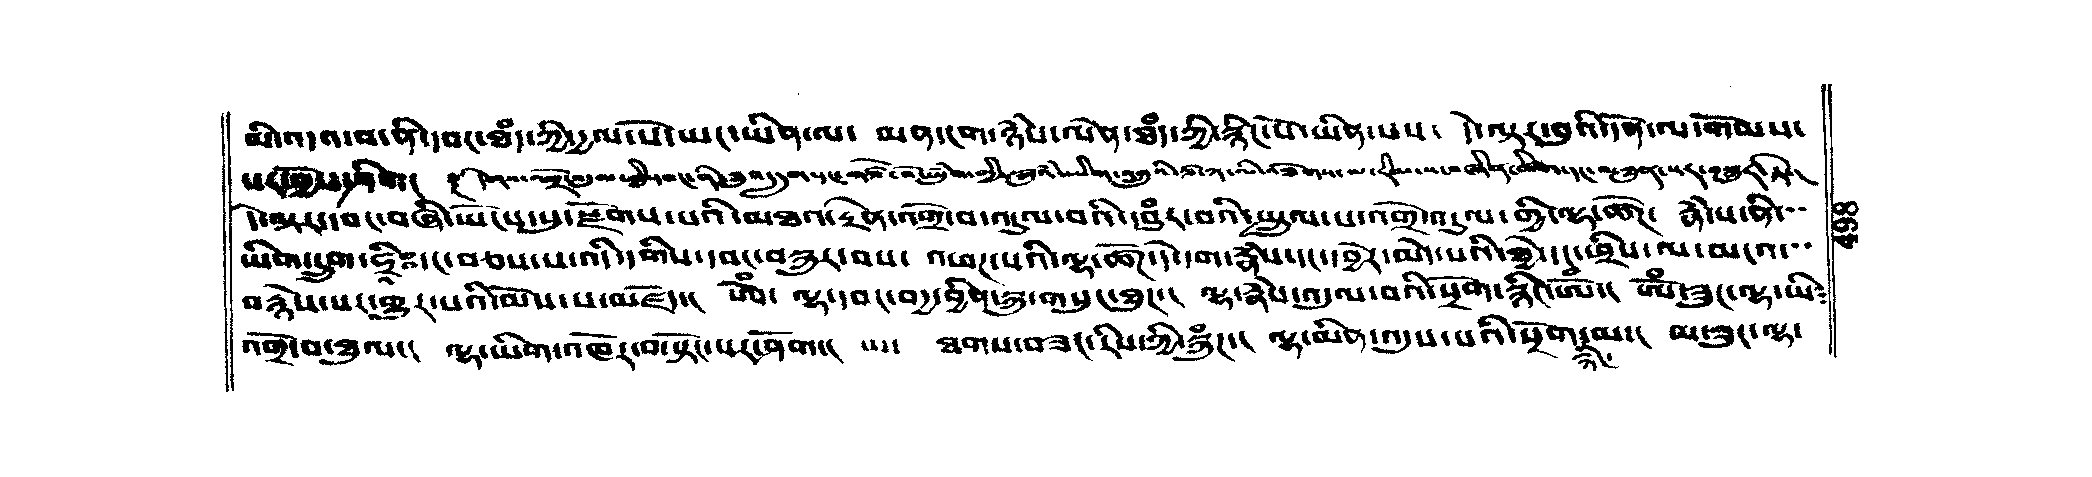མི་འདའ་བ་ནི་དབང་ཐམས་ཅད་ཀྱི་རྒྱལ་པི་ཡང་ཡིན་ལ། མན་ངག་ཉམས་ལེན་ཐམས་ཅད་ཀྱི་སྙིང་པོ་ཡིན་པས། དེ་ལྟ་བུའི་དོན་ལ་གོམས་
པར་བྱོས་ཤིག་ ༈ དེ་ནས་འགྲོ་འདུལ་གྱི་དབང་ནི་ཐུབ་དྲུག་དང་གཙོ་བོ་ཡབ་ཡུམ་གྱི་སྐུའམ་ཡིག་འབྲུའི་ཙ་ཀ་ལི་འཐོགས་ལ་རིམ་པ་བཞིན་ཚིག་དང་མཐུན་པར་འསྐུར་ཏེ། 
དེ་ལྟར་དབང་བཞི་ཡོངས་སུ་རྫོགས་པའི་མཐའ་རྟེན་འགྲོ་བ་འདུལ་བའི་དབང་བསྐུར་བའི་སྤྲུལ་པ་འགྲོ་འདུལ་གྱི་ལྷ་ཚོགས། རྣམ་པ་ནི་
ཡིག་དྲུག་ཧྲཱིཿདང་བཅས་པ་འདི་དག་གིས་དབང་བསྐུར་བས། འཕགས་པའི་ལྷ་ཚོགས་དེ་དག་རྣམས་དང་དབྱེར་མེད་པའི་ཐུགས་རྗེ་དང་ཕྲིན་ལས་ལ་མངའ་
བརྙེས་པར་གྱུར་པའི་མོས་པ་མཛོད། ཨོྃ། ལྷ་དབང་བརྒྱ་བྱིན་སྐུ་གསུང་ཐུགས། །ལྷ་རྣམས་འདུལ་བའི་སྲོག་རྙིང་ཨོྃ། །ཨོྃ་ཟུང་ལྷ་ཡི་
འགྲོ་བ་ཐུལ། །ལྷ་ཡི་འཁོར་བ་སྟོང་པར་ཤོག་ཐགས་བཟང་རིས་ཀྱི་སྐུ་གསུང་ཐུགས། །ལྷ་མིན་འདུལ་པའི་སྲོག་རྙིང་མ། །མ་ཟུང་ལྷ་